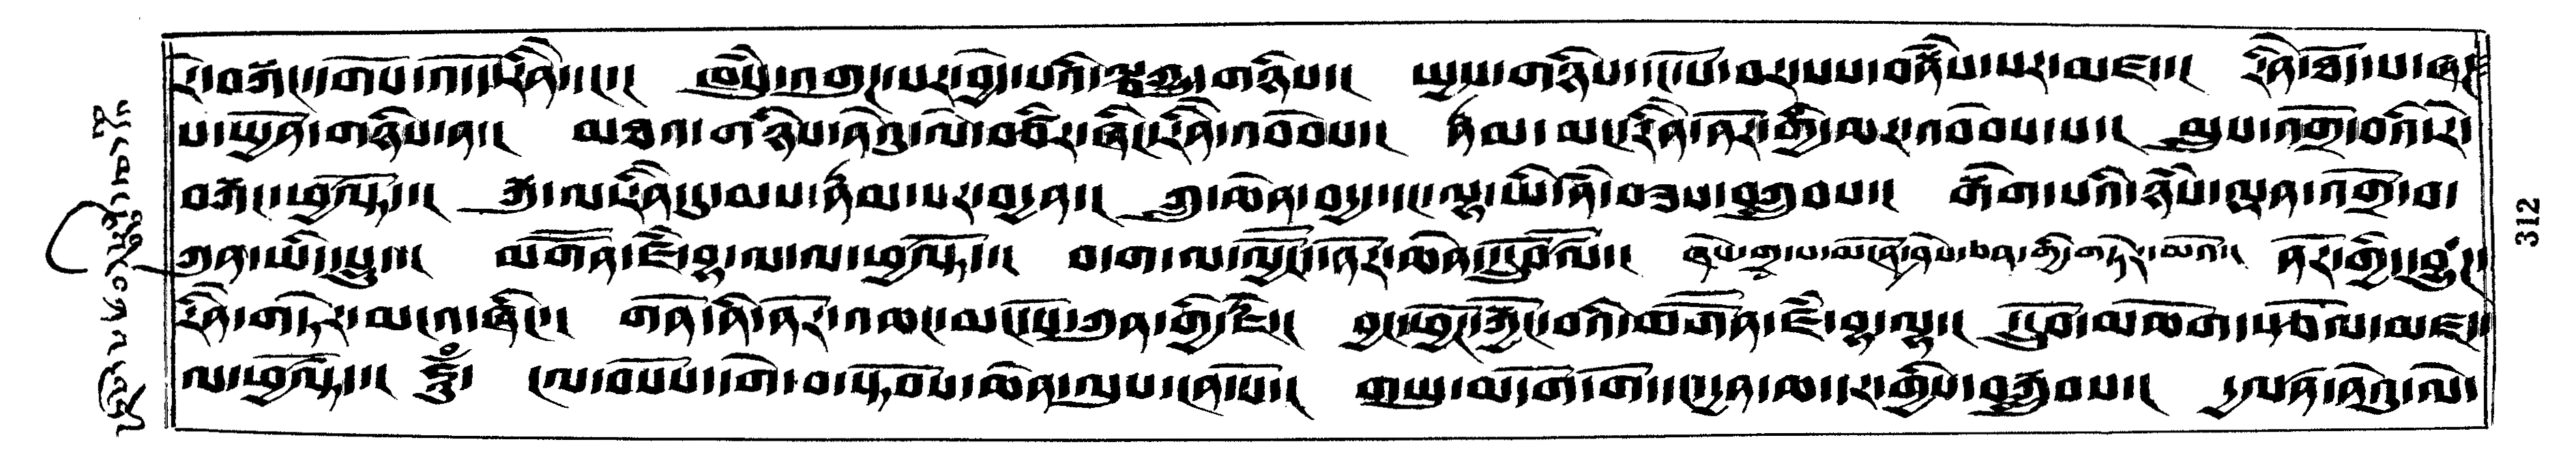རེ་སྐོང་དགོས་འདོད་རིན་ཆེན་དང་། །ཁམས་གསུམ་འགུགས་པར་བྱེད་པའི་ལྕགས་ཀྱུ་གཉིས། །གཡས་གཉིས་དང་པོ་བར་པས་བསྣམས་པར་མཛད། །རིན་ཆེན་ཐོད་པ་ཞགས་
པ་གཡོན་གཉིས་ན། །མཐའ་གཉིས་ནེའུ་ལེ་བཙིར་ཞིང་རིན་ཆེན་འབེབས། །རྣམ་མང་རིན་ཆེན་ནོར་གྱི་ཆར་འབེབས་པ། །མ་ལུས་འགྲོ་བའི་རེ་
སྐོང་ཕྱག་འཚལ་བསྟོད། །སྐུ་ལ་རིན་ཆེན་དུ་མས་རྣམ་པར་བརྒྱན། །ཀླུ་ཆེན་བརྒྱད་དང་ལྷ་ཡི་ན་བཟས་བཀླུབས། །སྒེག་པའི་ཉམས་ལྡན་འགྲོ་བ་
ཀུན་ཡིད་སྡུད། །མགོན་པོ་ཛམ་བྷ་ལ་ལ་ཕྱག་འཚལ་བསྟོད། །བདག་ལ་ལོངས་སྤྱོད་ནོར་ཆེན་དངོས་གྲུབ་སྩོལ། ཞེས་གྲྭ་པ་མངོན་ཤེས་ཅན་གྱི་གཏེར་མའོ།། ནོར་གྱི་དབང་ཕྱུག་
རིན་ཆེན་གཏེར་མངའ་ཞིང་། །གནོད་སྦྱིན་ནོར་འཆང་མང་པོ་ཀུན་ཀྱི་རྗེ། །བྱང་ཕྱོགས་སྐྱོང་བའི་མགོན་པོ་ཛམ་བྷ་ལ། །དངོས་གྲུབ་མཆོག་སྩོལ་མཛད
ལ་ཕྱག་འཚལ་བསྟོད།། ཧཱུྃ། ངལ་བསོས་དགེ་བ་སྟོབས་ཆེན་ལུས་ངན་པོ། །གཡུ་མདོག་གོ་དང་རྒྱན་ཆ་དར་གྱིས་བཀླུབས། རྒྱལ་མཚན་ནེའུ་ལེ་